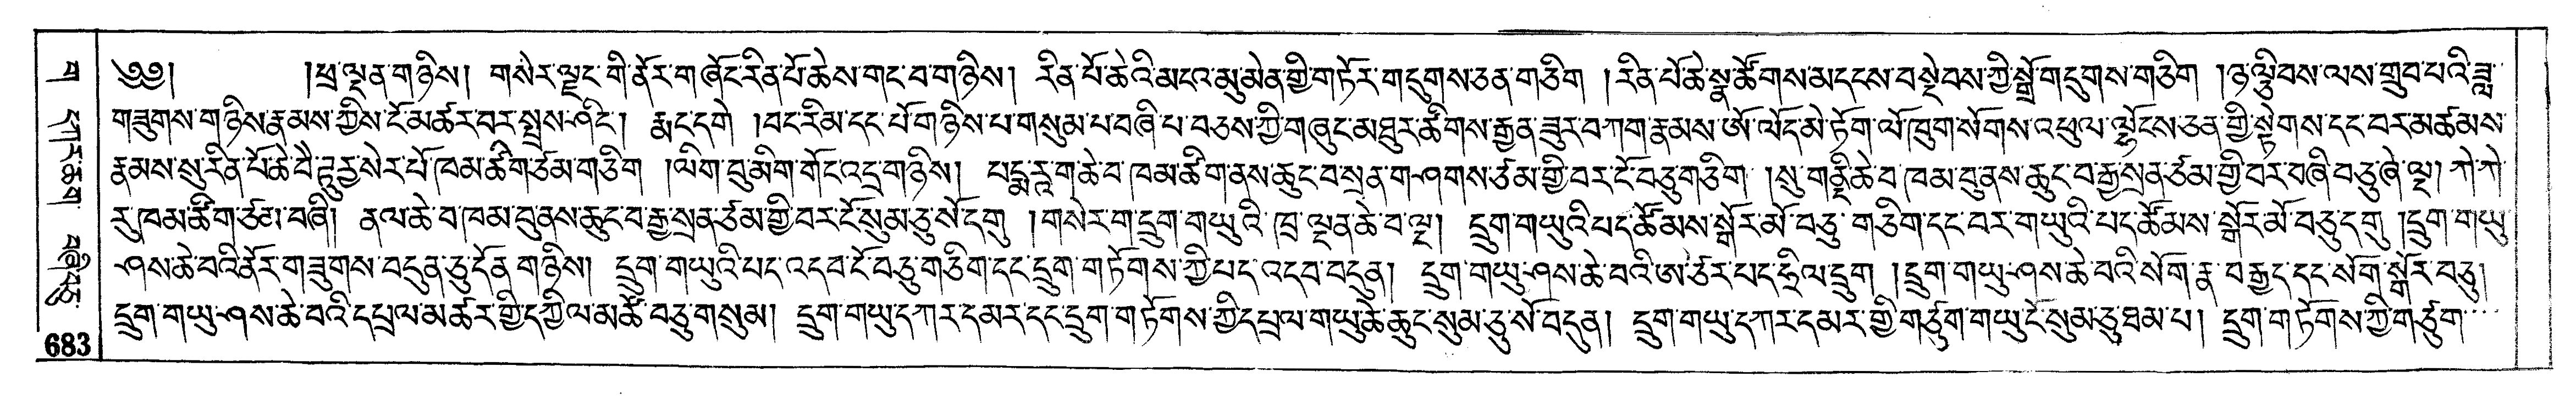༄༅། །ཕྲ་ལྡན་གཉིས། གསེར་ལྗང་གི་ནོར་གཞོད་རིན་པོ་ཆེས་གང་བ་གཉིས། རིན་པོ་ཆེའི་མདའ་མུ་མེན་གྱི་གཏོར་གདུགས་ཅན་གཅིག །རིན་པོ་ཆེ་སྣ་སོགས་མདངས་བསྡེབས་ཀྱི་སྒྲོ་གདུགས་གཅིག །ཉ་ལྕིབས་ལས་གྲུབ་པའི་ཟླ་
གཟུགས་གཉིས་རྣམས་ཀྱིས་ངོ་མཚར་བར་སྦྲས་ཤིང་། རྨང་དགེ །བང་རིམ་དང་པོ་གཉིས་པ་གསུམ་པ་བཞི་པ་བཅས་ཀྱི་གཞུང་མཐུར་ཚིགས་རྒྱན་ཟུར་བཀག་རྣམས་ཨོ་ལོད་མེ་ཏོག་ལོ་ཁུག་སོགས་འཕུལ་ལྷོངས་ཅན་གྱི་སྟེགས་དང་བར་མཚམས་
རྣམས་སུ་རིན་པོ་ཆེ་བཻ་ཌཱུརྱ་སེར་པོ་ཁམ་ཚིག་ཙམ་གཅིག །ལིག་བུ་མིག་གོང་འདྲ་གཉིས། པདམ་རཱ་ག་ཆེ་བ་ཁམ་ཚིག་ནས་ཆུང་བ་སྲན་གཤགས་ཙམ་གྱི་བར་ངོ་བཅུ་གཅིག །སུ་གནྡྷི་ཆེ་བ་ཁམ་བུ་ནས་ཆུང་བ་རྒྱ་སྲན་ཙམ་གྱི་བར་བཞི་བཅུ་ཞེ་ལྔ། ཀེ་ཀེ་
རུ་ཁམ་ཚིག་ཙམ་བཞི། ནལ་ཆེ་བ་ཁམ་བུ་ནས་ཆུང་བ་རྒྱ་སྲན་ཙམ་གྱི་བར་ངོ་སུམ་ཅུ་སོ་དགུ །གསེར་ག་དྲུག་གཡུའི་ཁྲ་ལྡན་ཆེ་བ་ལྔ། དྲུག་གཡུའི་པད་ཚོམས་སྒོར་མོ་བཅུ་གཅིག་དང་བར་གཡུའི་པད་ཚོམས་སྒོར་མོ་བཅུ་དགུ །དྲུག་གཡུ་
ཤས་ཆེ་བའི་ནོར་གཟུགས་བདུན་ཅུ་དོན་གཉིས། དྲུག་གཡུའི་པད་འདབ་ངོ་བཅུ་གཅིག་དང་དྲུག་གཏོགས་ཀྱི་པད་འདབ་བདུན། དྲུག་གཡུ་ཤས་ཆེ་བའི་ཨ་ཙར་པད་ཧྲིལ་དྲུག །དྲུག་གཡུ་ཤས་ཆེ་བའི་སོག་རྣ་བརྒྱད་དང་སོག་སྒོར་བཅུ།
དྲུག་གཡུ་ཤས་ཆེ་བའི་དཔྲལ་མཚར་གྱི་དཀྱིལ་མཚོ་བཅུ་གསུམ། དྲུག་གཡུ་དཀར་དམར་དང་དྲུག་གཏོགས་ཀྱི་དཔྲལ་གཡུ་ཆེ་ཆུང་སུམ་ཅུ་སོ་བདུན། དྲུག་གཡུ་དཀར་དམར་གྱི་གཙུག་གཡུ་ངོ་སུམ་ཅུ་ཐམ་པ། དྲུག་གཏོགས་ཀྱི་གཙུག་